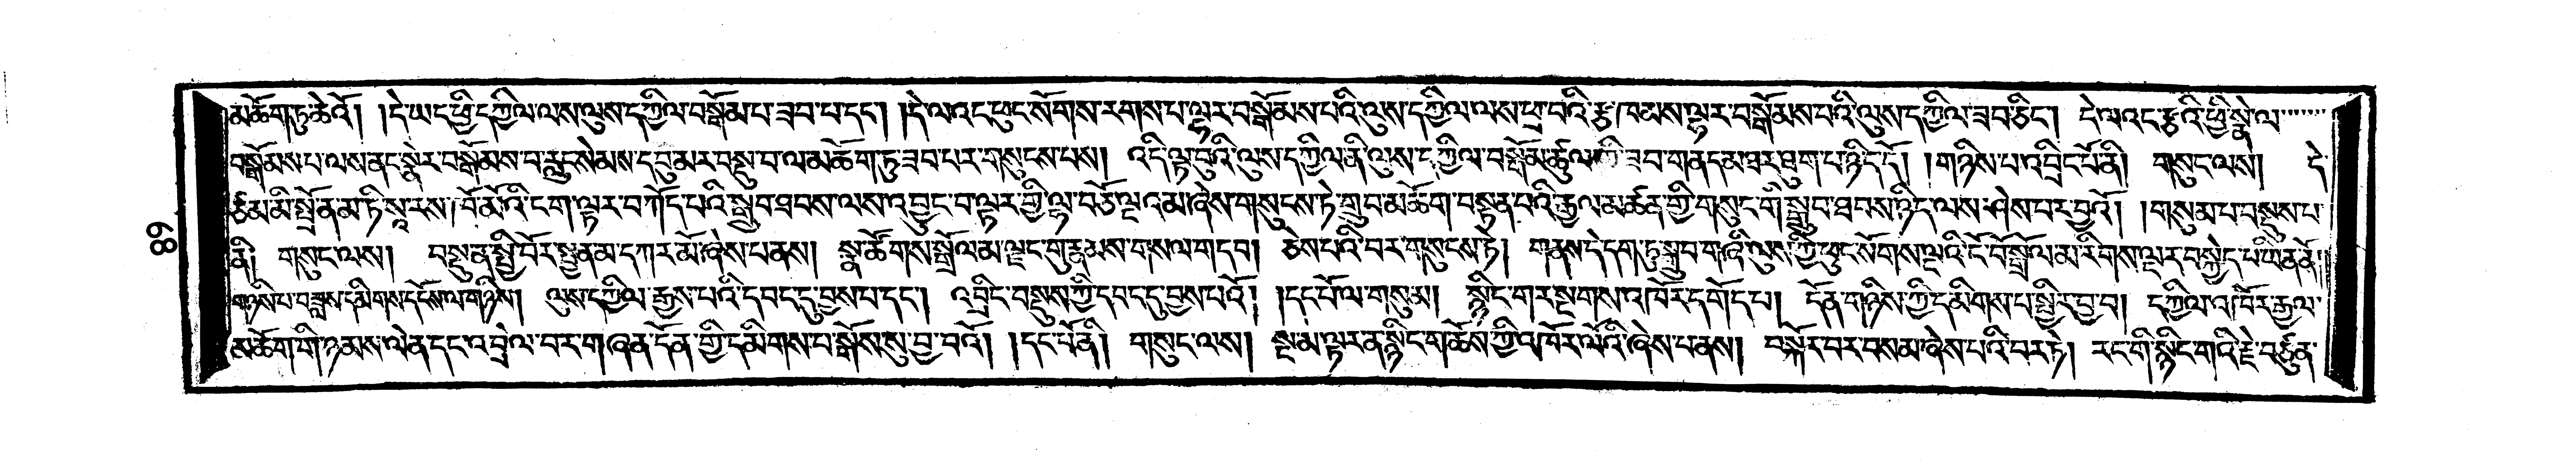མཆོག་ཏུ་ཆེའོ། །དེ་ཡང་ཕྱི་དཀྱིལ་ལས་ལུས་དཀྱིལ་བསྒོམ་པ་ཟབ་པ་དང་། དེ་ལའང་ཕུང་སོགས་རགས་པ་ལྷར་བསྒོམས་པའི་ལུས་དཀྱིལ་ལས་ཕྲ་བའི་རྩ་ཁམས་ལྷར་བསྒོམས་པའི་ལུས་དཀྱིལ་ཟབ་ཅིང་། དེ་ལའང་རྩའི་ཕྱི་སྣེ་ལ་
བསྒོམས་པ་ལས་ནང་སྣེར་བསྒོམས་པ་རླུང་སེམས་དབུ་མར་བསྡུ་བ་ལ་མཆོག་ཏུ་ཟབ་པར་གསུངས་པས། འདི་ལྟ་བུའི་ལུས་དཀྱིལ་ནི་ལུས་ཀྱི་བསྒོམ་ཚུལ་གྱི་ཟབ་གནད་མཐར་ཐུག་པ་ཉིད་དོ། །གཉིས་པ་འབྲིང་པོ་ནི། གསུང་ལས། དེ་
ཙམ་མི་སྤྲོ་ན་མ་ཏི་སཱ་རས་ཁོ་མོ་འི་ངག་ལྟར་བཀོད་པའི་སྒྲུབ་ཐབས་ལས་འབྱུང་བ་ལྟར་གྱི་ལྷ་བཅོ་ལྔའམ་ཞེས་གསུངས་ཏེ་གྲུབ་མཆོག་བསྟན་པའི་རྒྱལ་མཚན་གྱི་གསུང་གི་སྒྲུབ་ཐབས་ཉིད་ལས་ཤེས་པར་བྱའོ། །གསུམ་བ་བསྡུས་པ་
ནི༑ གསུང་ལས། བསྡུ་ན་སྤྱི་བོར་སྤྱན་མ་དཀར་མོ་ཞེས་པ་ནས། སྣ་ཚོགས་སྒྲོལ་མ་ལྗང་གུ་རྣམས་གསལ་གདབ། ཅེས་པའི་བར་གསུངས་ཏེ། གནས་དེ་དག་ཏུ་སྒྲུབ་གཞི་ལུས་ཀྱི་ཕུང་སོགས་ལྔའི་ངོ་བོ་སྒྲོལ་མ་རིགས་ལྔར་བསྐྱེད་པ་ཡིན་ནོ། །
གཉིས་པ་བཟླས་དམིགས་དངོས་ལ་གཉིས། ལུས་དཀྱིལ་རྒྱས་པའི་དབང་དུ་བྱས་པ་དང་། འབྲིང་བསྡུས་ཀྱི་དབང་དུ་བྱས་པའོ། །དང་པོ་ལ་གསུམ། སྙིང་གར་སྔགས་འཁོར་དགོད་པ། དོན་གཉིས་ཀྱི་དམིགས་པ་སྤྱིར་བྱ་བ། དཀྱིལ་འཁོར་རྒྱལ་
མཆོག་གི་ཉམས་ལེན་དང་འབྲེལ་བར་གཞན་དོན་གྱི་དམིགས་པ་སྒོས་སུ་བྱ་བའོ། །དང་པོ་ནི། གསུང་ལས། སྔ་མ་ལྟར་ན་སྙིང་ག་ཆོས་ཀྱི་འཁོར་ལོའི་ཞེས་པ་ནས། བསྐོར་བར་བསམ་ཞེས་པའི་བར་ཏེ། རང་གི་སྙིང་གའི་རྗེ་བཙུན་